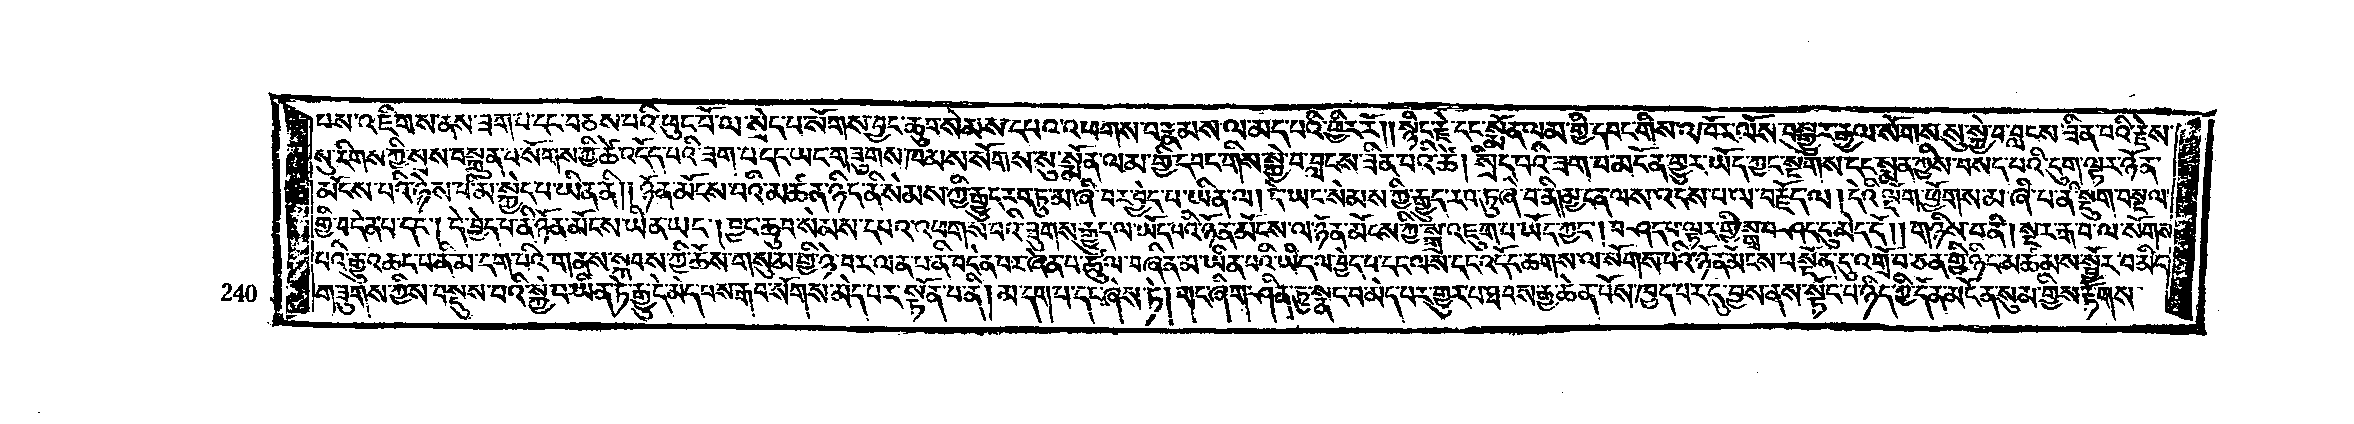པས་འཇིགས་ནས་ཟག་པ་དང་བཅས་པའི་ཕུང་པོ་ལ་སྲེད་པ་སོགས་བྱང་ཆུབ་སེམས་དཔའ་འཕགས་པ་རྣམས་ལ་མེད་པའི་ཕྱིར་རོ། །སྙིང་རྗེ་དང་སྨོན་ལམ་གྱི་དབང་གིས་འཁོར་ལོས་བསྒྱུར་རྒྱལ་སོགས་སུ་སྐྱེ་བ་བླངས་ཟིན་པའི་རྗེས་
སུ་རིགས་ཀྱི་སྲས་བསྐྲུན་པ་སོགས་ཀྱི་ཚེ་འདོད་པའི་ཟག་པ་དང་ཡང་གཟུགས་ཁམས་སོགས་སུ་སྨོན་ལམ་གྱི་དབང་གིས་སྐྱེ་བ་བླངས་ཟིན་པའི་ཚེ། སྲིད་པའི་ཟག་པ་མངོན་གྱུར་ཡོད་ཀྱང་སྔགས་དང་སྨན་གྱིས་བསད་པའི་དུག་ལྟར་ཉོན་
མོངས་པའི་ཉེས་པ་མི་སྐྱེད་པ་ཡིན་ནི། །ཉོན་མོངས་པའི་མཚན་ཉིད་ནི་སེམས་ཀྱི་རྒྱུད་རབ་ཏུ་མ་ཞི་བར་བྱེད་པ་ཡིན་ལ། དེ་ཡང་སེམས་ཀྱི་རྒྱུད་རབ་ཏུ་ཞི་བ་ནི། མྱ་ངན་ལས་འདས་པ་ལ་བརྗོད་ལ། དེའི་ལྡོག་ཕྱོགས་མ་ཞི་བ་ནི་སྡུག་བསྔལ་
གྱི་བདེན་པ་དང་། དེ་བྱེད་པ་ནི་ཉོན་མོངས་ཡིན་ཡང་། བྱང་ཆུབ་སེམས་དཔའ་འཕགས་པའི་ཐུགས་རྒྱུད་ལ་ཡོད་པའི་ཉོན་མོངས་ལ་ཉོན་མོངས་ཀྱི་སྒྲ་འཇུག་པ་ཡོད་ཀྱང་། བཤད་པ་ལྟར་གྱི་སྒྲ་བཤད་དུ་མེད་དོ། །གཉིས་པ་ནི། སྔར་རྒ་བ་ལ་སོགས་
པའི་རྒྱུ་འཆད་པ་ནི་མ་དག་པའི་གནས་སྐབས་ཀྱི་ཆོས་གསུམ་གྱི་ཉེ་བར་ལན་པ་ནི་བདེན་པར་ཞེན་པ་ཚུལ་བཞིན་མ་ཡིན་པའི་ཡིད་ལ་བྱེད་པ་དང་ལས་དང་འདོད་ཆགས་ལ་སོགས་པའི་ཉོན་མོངས་པ་སྔོན་དུ་འགྲོ་བ་ཅན་གྱི་ཉིད་མཚམས་སྦྱོར་བ་མིང་
གཟུགས་ཀྱིས་བསྡུས་པའི་སྐྱེ་བ་ཡིན་ཏེ་རྒྱུ་དེ་མེད་པས་རྒ་བ་སོགས་མེད་པར་སྟོན་པ་ནི། མ་དག་པ་དང་ཞེས་ཏེ། གང་ཞིག་ཤིན་ཏུ་སྣང་བ་མེད་པར་གྱུར་པ་ཐབས་རྒྱ་ཆེན་པོས་ཁྱད་པར་དུ་བྱས་ནས་སྟོང་པ་ཉིད་ཀྱི་དོན་མངོན་སུམ་གྱིས་རྟོགས་